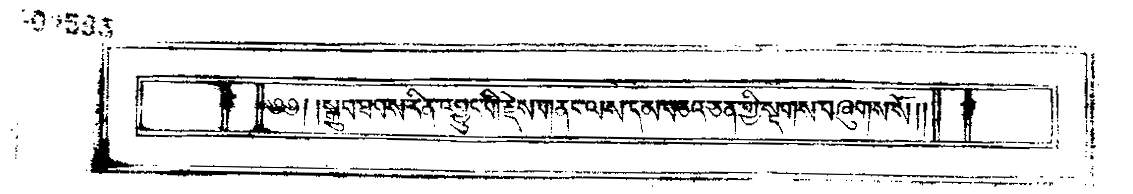༄༅། །སྒྲུབ་ཐབས་རིན་འབྱུང་གི་རྗེས་གནང་ལས་དམ་བཅའ་ཅན་གྱི་སྔགས་བཞུགས་སོ། །